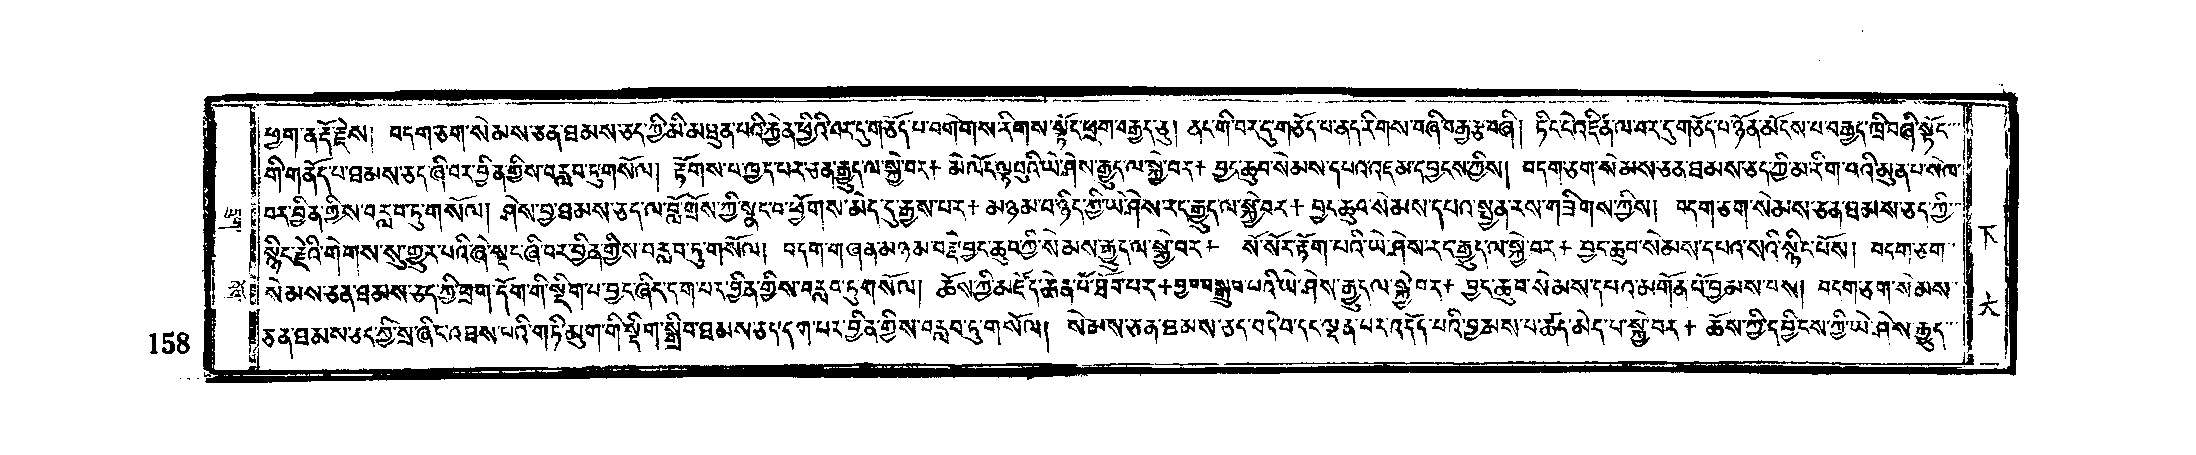ཕྱག་ན་རྡོ་རྗེས། བདག་ཅག་སེམས་ཅན་ཐམས་ཅད་ཀྱི་མི་མཐུན་པའི་རྐྱེན་ཕྱིའི་བར་དུ་གཅོད་པ་བགེགས་རིགས་སྟོང་ཕྲག་བརྒྱད་ཅུ། ནང་གི་བར་དུ་གཅོད་པ་ནད་རིགས་བཞི་བརྒྱ་རྩ་བཞི། ཏིང་ངེ་འཛིན་ལ་བར་དུ་གཅོད་པ་ཉོན་མོངས་པ་བརྒྱད་ཁྲི་བཞི་སྟོང་
གི་གནོད་པ་ཐམས་ཅད་ཞི་བར་བྱིན་གྱིས་བརླབ་ཏུ་གསོལ། རྟོགས་པ་ཁྱད་པར་ཅན་རྒྱུད་ལ་སྐྱེ་བར་+་མེ་ལོང་ལྟ་བུའི་ཡེ་ཤེས་རྒྱུད་ལ་སྐྱེ་བར་+་བྱང་ཆུབ་སེམས་དཔའ་འཇམ་དབྱངས་ཀྱིས། བདག་ཅག་སེམས་ཅན་ཐམས་ཅད་ཀྱི་མ་རིག་པའི་མུན་པ་སེལ་
བར་བྱིན་གྱིས་བརླབ་ཏུ་གསོལ། ཤེས་བྱ་ཐམས་ཅད་ལ་བློ་གྲོས་ཀྱི་སྣང་བ་ཕྱོགས་མེད་དུ་རྒྱས་པར་+་མཉམ་པ་ཉིད་ཀྱི་ཡེ་ཤེས་རང་རྒྱུད་ལ་སྐྱེ་བར་+་བྱང་ཆུབ་སེམས་དཔའ་སྤྱན་རས་གཟིགས་ཀྱིས། བདག་ཅག་སེམས་ཅན་ཐམས་ཅད་ཀྱི་
སྙིང་རྗེའི་གེགས་སུ་གྱུར་པའི་ཞེ་སྡང་ཞི་བར་བྱིན་གྱིས་བརླབ་ཏུ་གསོལ། བདག་གཞན་མཉམ་བརྗེ་བྱང་ཆུབ་ཀྱི་སེམས་རྒྱུད་ལ་སྐྱེ་བར་+་སོ་སོར་རྟོག་པའི་ཡེ་ཤེས་རང་རྒྱུད་ལ་སྐྱེ་བར་+་བྱང་ཆུབ་སེམས་དཔའ་སའི་སྙིང་པོས། བདག་ཅག་
སེམས་ཅན་ཐམས་ཅད་ཀྱི་ཕྲག་དོག་གི་སྡིག་པ་བྱང་ཞིང་དག་པར་བྱིན་གྱིས་བརླབ་ཏུ་གསོལ། ཆོས་ཀྱི་མཛོད་ཆེན་པོ་ཐོབ་པར་+་བྱ་བ་བསྒྲུབ་པའི་ཡེ་ཤེས་རྒྱུད་ལ་སྐྱེ་བར་+་བྱང་ཆུབ་སེམས་དཔའ་མགོན་པོ་བྱམས་པས། བདག་ཅག་སེམས་
ཅན་ཐམས་ཅད་ཀྱི་སྲ་ཞིང་འཐས་པའི་གཏི་མུག་གི་སྡིག་སྒྲིབ་ཐམས་ཅད་དག་པར་བྱིན་གྱིས་བརླབ་ཏུ་གསོལ། སེམས་ཅན་ཐམས་ཅད་བདེ་བ་དང་ལྡན་པར་འདོད་པའི་བྱམས་པ་ཚད་མེད་པ་སྐྱེ་བར་+་ཆོས་ཀྱི་དབྱིངས་ཀྱི་ཡེ་ཤེས་རྒྱུད་